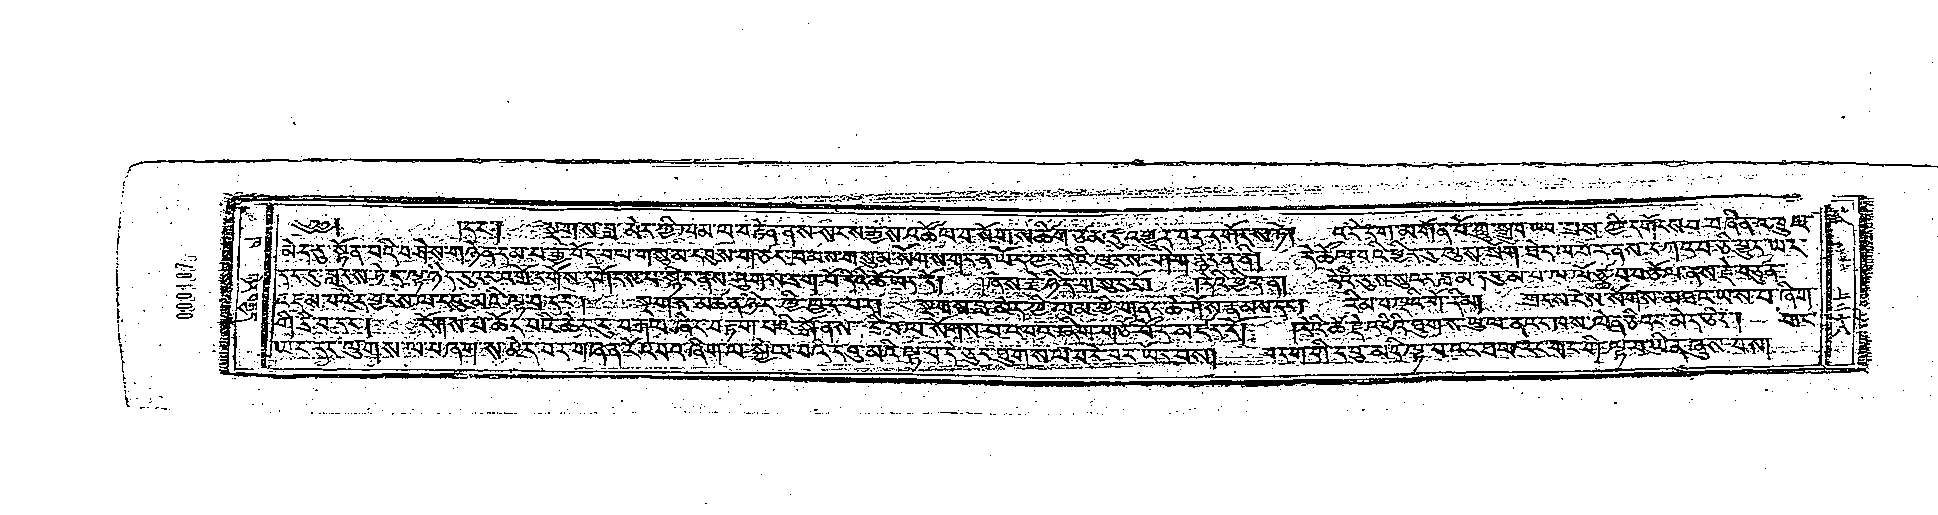༄༅། །དང་། སྔགས་བླ་མེད་ཀྱི་ལམ་ལ་བརྟེན་ནས་སངས་རྒྱས་འཚོལ་བ་སོགས་ཚིག་ཙམ་དུ་འགྱུར་བར་དགོངས་ཏེ། འདི་དག་མགོན་པོ་ཀླུ་སྒྲུབ་ཡབ་སྲས་ཀྱི་དགོངས་བ་བཞིན་འཁྲུལ་
མེད་དུ་སྟོན་པའི་བཤེས་གཉེན་དམ་པ་རྒྱ་བོད་བལ་གསུམ་དབུས་གཙང་ཁམས་གསུམ་སོགས་གང་ན་ཡོད་ཀྱང་དེའི་ལུངས་ཤིག་རྙེད་ན་ནི། དེ་ཚོལ་བའི་ཕྱིར་དུ་ལུས་སྲོག་ཐེད་ལ་པར་ནས་དཀའ་བ་ཅི་བྱུང་ཡང་
དང་དུ་བླངས་ཏེ་ད་ལྟ་ཉིད་དུའང་འགྲོ་དགོས་དགོངས་པ་སྙིང་ནས་ཤུགས་དྲག་པོ་དིའི་ཚེ་ཡོད་དོ། །ཞེས་རྗེ་ཉིད་གསུང་ངོ། །དེའི་ཕྱིར་ན། དེའི་དུས་སུའང་བླ་མ་དབུ་མ་པ་ལ་ལོ་ཙྪ་བ་བཅོལ་ནས་རྗེ་བཙུན་
འཇམ་པའི་དབྱངས་ལ་དབུ་མའི་ལྟ་བ་དང་། སྔགས་མཚན་ཉིད་ཀྱི་ཁྱད་བར། སྔགས་བླ་མེད་ཀྱི་ལམ་གྱི་གནང་ཆེ་ཤོས་རྣམས་དང་། རིམ་པ་ལྔའི་གོ་རིམ། གྲངས་ངེས་སོགས་མཐའ་ཡས་བ་ཞིག་
གི་དྲི་བ་དང་། དོགས་པ་ཆོང་པའི་ཆེད་དུ་བརྒལ་ཞིང་བརྟག་པའི་སྒོ་ནས་དྲི་བ་ལ་སོགས་པ་འབའ་ཞིག་གཙོ་བོར་མཛད་དོ། །དེའི་ཚེ་རྗེ་འདིའི་ཐུགས་ཡུལ་ནའང་ཁས་ལེན་ཅིའང་མེད་ཅིང་། གང་
ཡང་རང་ལུགས་ལ་བཞག་ས་མེད་བར་གཞན་ངོ་འབའ་ཞིག་ལ་སྐྱེལ་བའི་དབུ་མའི་ལྟ་བ་དེ་ཅུང་ཐུགས་ལ་བདེ་བར་ཡོད་བས། བདག་གི་དབུ་མའི་ལྟ་བ་འང་ཐལ་རང་གང་གི་ལྟ་བ་ཡིན་ཞུས་པས།